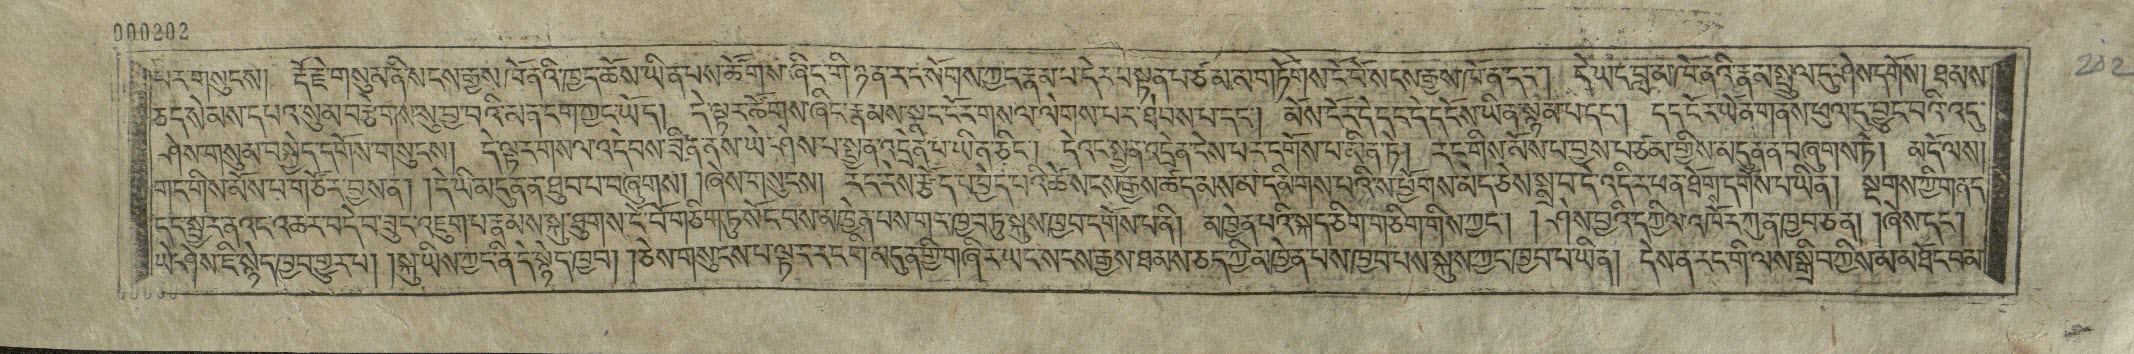པར་གསུངས། རྡོ་རྗེ་གསུམ་ནི་སངས་རྒྱས་ཁོ་ནའི་ཁྱད་ཆོས་ཡིན་པས་ཚོགས་ཞིང་གི་ཉན་རང་སོགས་ཀྱང་རྣམ་པ་དེར་བསྟན་པ་ཙམ་མ་གཏོགས་ངོ་བོ་སངས་རྒྱས་ཁོ་ན་དང་། དེ་ཡང་བལ་མ་ཁོ་ནའི་རྣམ་སྤྲུལ་དུ་ཤེས་དགོས། ཐམས་
ཅད་སེམས་དཔའ་སུམ་བརྩེགས་སུ་བྱ་བའི་མན་ངག་ཀྱང་ཡོད། དེ་ལྟར་ཚོགས་ཞིང་རྣམས་སྣང་ངོར་གསལ་ལེགས་པར་ཐེབས་པ་དང་། མོས་ངོར་དེ་དང་དེ་དངོས་ཡིན་སྙམ་པ་དང་། དད་ངོར་ཡོན་གནས་ཕུལ་དུ་བྱུང་བའི་འདུ་
ཤེས་གསུམ་བསྐྱེད་དགོས་གསུངས། དེ་ལྟར་གསལ་འདེབས་ཟིན་ནས་ཡེ་ཤེས་པ་སྤྱན་འདྲེན་པ་ཡིན་ཅིང་། དེའང་སྤྱན་འདྲེན་ངེས་པར་དགོས་པ་མིན་ཏེ། རང་གིས་མོས་པ་བྱས་པ་ཙམ་གྱིས་མདུན་ན་བཞུགས་ཏེ། མདོ་ལས།
གང་གིས་མོས་པ་གཙོར་བྱས་ན། །དེ་ཡི་མདུན་ན་ཐུབ་པ་བཞུགས། །ཞེས་གསུངས། རང་རེས་རྩོད་པ་བྱིད་པའི་ཚེ་སངས་རྒྱས་ཚད་མས་མ་དམིགས་པའི་ས་ཕྱོགས་མེད་ཅེས་སྨྲ་བ་དེ་འདིར་ཕན་ཐོགས་དགོས་པ་ཡིན། སྔགས་ཀྱི་གནད།
དང་སྦྱར་ནའང་འཆར་བདེ་བ་ཟུང་འཇུག་པ་རྣམས་སྐུ་ཐུགས་ངོ་བོ་གཅིག་ཏུ་སོང་བས་མཁྱེན་པས་གར་ཁྱབ་ཏུ་སྐུས་ཁྱབ་དགོས་པ་ནི། མཁྱེན་པའི་སྐད་ཅིག་གཅིག་གིས་ཀྱང་། །ཆེས་བྱའི་དཀྱོལ་འཁོར་ཀུན་ཁྱབ་ཅན། །ཞེས་དང་།
ཡེ་ཤེས་ཇི་སྙེད་ཁྱབ་གྱུར་པ། །སྐུ་ཡིས་ཀྱང་ནི་དེ་སྙེད་ཁྱབ། །ཅེས་གསུགས་པ་ལྟར་རང་གི་མདུན་གྱི་གཞིར་ཡང་སངས་རྒྱས་ཐམས་ཅད་ཀྱི་མཁྱེན་པས་ཁྱབ་པས་སྐུས་ཀྱང་ཁྱབ་པ་ཡིན། དེས་ན་རང་གི་ལས་སྒྲིབ་ཀྱིས་མ་མཐོང་བ་མ་